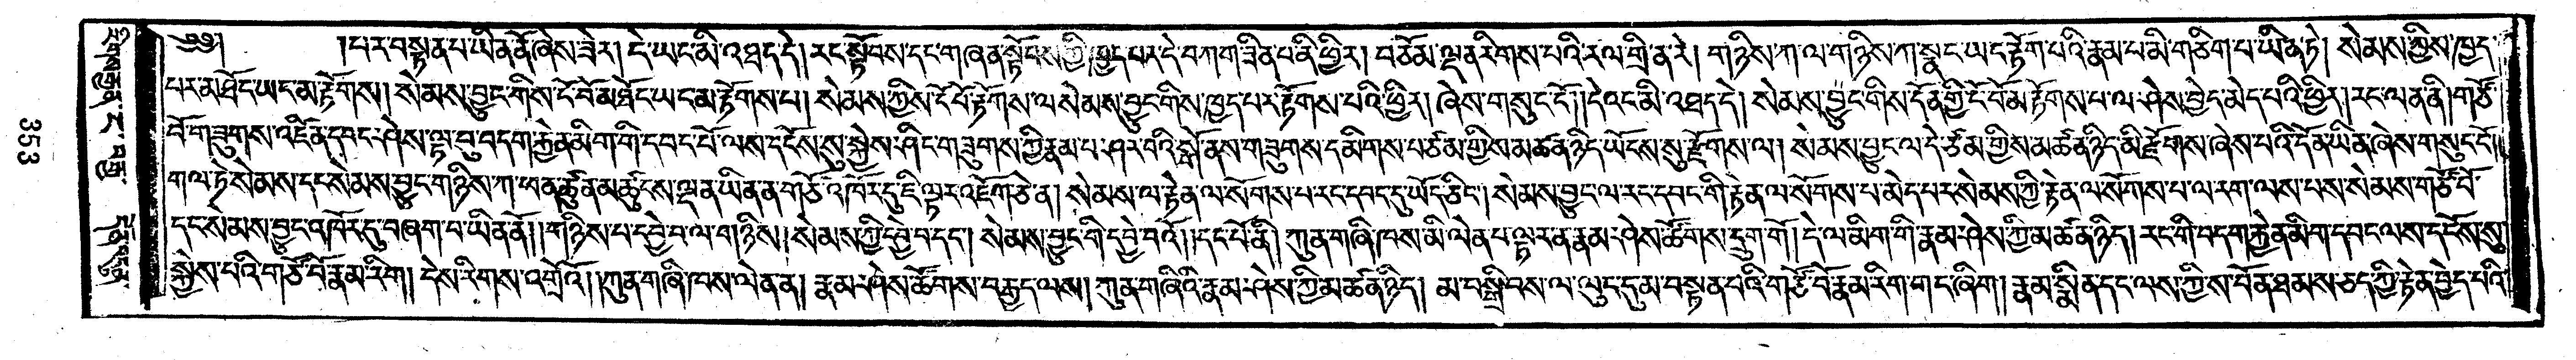༄༅། །པར་བསྟན་པ་ཡིན་ནོ་ཞེས་ཟེར། དེ་ཡང་མི་འཐད་དེ། རང་སྟོབས་དང་གཞན་སྟོབས་ཀྱི་ཁྱད་པར་དེ་བཀག་ཟིན་པའི་ཕྱིར། བཅོམ་ལྡན་རིགས་པའི་རལ་གྲི་ན་རེ། གཉིས་ཀ་ལ་གཉིས་ཀ་སྣང་ཡང་རྟོག་པའི་རྣམ་པ་མི་གཅིག་པ་ཡིན་ཏེ། སེམས་ཀྱིས་ཁྱད་
པར་མཐོང་ཡང་མ་རྟོགས། སེམས་བྱུང་གིས་ངོ་བོ་མཐོང་ཡང་མ་རྟོགས་པ། སེམས་ཀྱིས་ངོ་བོ་རྟོགས་ལ་སེམས་བྱུང་གིས་ཁྱད་པར་རྟོགས་པའི་ཕྱིར། ཞེས་གསུང་ངོ། །དེའང་མི་འཐད་དེ། སེམས་བྱུང་གིས་དོན་གྱི་ངོ་བོ་མ་རྟོགས་པ་ལ་ཤེས་བྱེད་མེད་པའི་ཕྱིར། རང་ལན་ནི། གཙོ་
བོ་གཟུགས་འཛིན་དབང་ཤེས་ལྟ་བུ་བདག་རྐྱེན་མིག་གི་དབང་པོ་ལས་དངོས་སུ་སྐྱེས་ཤིང་གཟུགས་ཀྱི་རྣམ་པ་ཤར་བའི་སྒོ་ནས་གཟུགས་དམིགས་པ་ཙམ་གྱིས་མཚན་ཉིད་ཡོངས་སུ་རྫོགས་ལ། སེམས་བྱུང་ལ་དེ་ཙམ་གྱིས་མཚན་ཉིད་མི་རྫོགས་ཞེས་པའི་དོན་ཡིན་ཞེས་གསུང་ངོ། །
གལ་ཏེ་སེམས་དང་སེམས་བྱུང་གཉིས་ཀ་ཕན་ཚུན་མཚུངས་ལྡན་ཡིན་ན་གཙོ་འཁོར་དུ་ཇི་ལྟར་འཇོག་ཅེ་ན། སེམས་ལ་རྟེན་ལ་སོགས་པ་རང་དབང་དུ་ཡོད་ཅིང་། སེམས་བྱུང་ལ་རང་དབང་གི་རྟེན་ལ་སོགས་པ་མེད་པར་སེམས་ཀྱི་རྟེན་ལ་སོགས་པ་ལ་རག་ལས་པས་སེམས་གཙོ་བོ་
དང་སེམས་བྱུང་འཁོར་དུ་བཞག་པ་ཡིན་ནོ། །གཉིས་པ་དབྱེ་བ་ལ་གཉིས། སེམས་ཀྱི་དབྱེ་བ་དང་། སེམས་བྱུང་གི་དབྱེ་བའོ། །དང་པོ་ནི། ཀུན་གཞི་ཁས་མི་ལེན་པ་ལྟར་ན་རྣམ་ཤེས་ཚོགས་དྲུག་གོ། །དེ་ལ་མིག་གི་རྣམ་ཤེས་ཀྱི་མཚན་ཉིད། རང་གི་བདག་རྐྱེན་མིག་དབང་ལས་དངོས་སུ་
སྐྱེས་པའི་གཙོ་བོ་རྣམ་རིག ། །དེས་རིགས་འགྲེའོ། །ཀུན་གཞི་ཁས་ལེན་ན། རྣམ་ཤེས་ཚོགས་བརྒྱད་ལས། ཀུན་གཞིའི་རྣམ་ཤེས་ཀྱི་མཚན་ཉིད། མ་བསྒྲིབས་ལ་ལུང་དུ་མ་བསྟན་པའི་གཙོ་བོ་རྣམ་རིག་གང་ཞིག། རྣམ་སྨིན་དང་ལས་ཀྱི་ས་བོན་ཐམས་ཅད་ཀྱི་རྟེན་བྱེད་པའི་